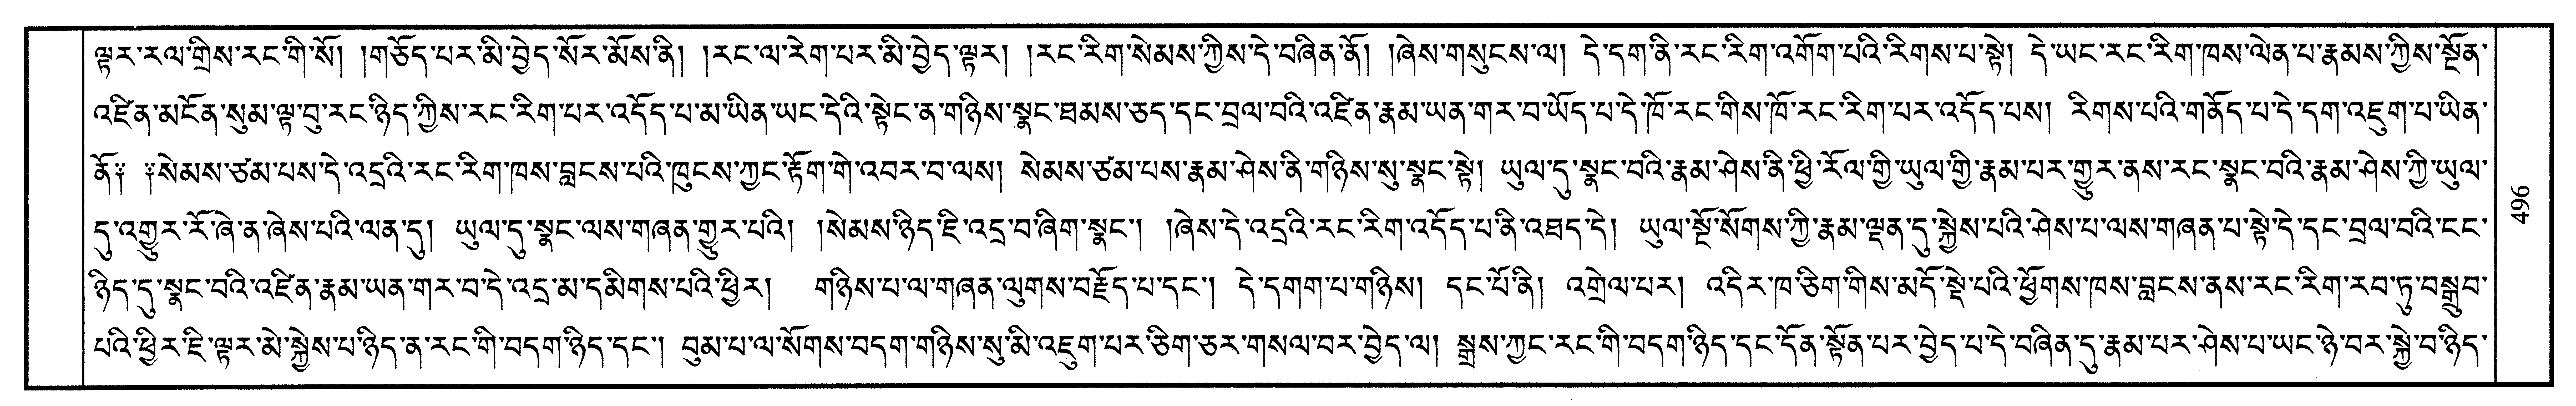ལྟར་རལ་གྲིས་རང་གི་སོ། །གཅོད་པར་མི་བྱེད་སོར་མོས་ནི། །རང་ལ་རེག་པར་མི་བྱེད་ལྟར། །རང་རིག་སེམས་ཀྱིས་དེ་བཞིན་ནོ། །ཞེས་གསུངས་ལ། དེ་དག་ནི་རང་རིག་འགོག་པའི་རིགས་པ་སྟེ། དེ་ཡང་རང་རིག་ཁས་ལེན་པ་རྣམས་ཀྱིས་སྔོན་
འཛིན་མངོན་སུམ་ལྟ་བུ་རང་ཉིད་ཀྱིས་རང་རིག་པར་འདོད་པ་མ་ཡིན་ཡང་དེའི་སྟེང་ན་གཉིས་སྣང་ཐམས་ཅད་དང་བྲལ་བའི་འཛིན་རྣམ་ཡན་གར་བ་ཡོད་པ་དེ་ཁོ་རང་གིས་ཁོ་རང་རིག་པར་འདོད་པས། རིགས་པའི་གནོད་པ་དེ་དག་འཇུག་པ་ཡིན་
ནོ། །སེམས་ཙམ་པས་དེ་འདྲའི་རང་རིག་ཁས་བླངས་པའི་ཁུངས་ཀྱང་རྟོག་གེ་འབར་བ་ལས། སེམས་ཙམ་པས་རྣམ་ཤེས་ནི་གཉིས་སུ་སྣང་སྟེ། ཡུལ་དུ་སྣང་བའི་རྣམ་ཤེས་ནི་ཀྱི་ཕྱི་རོལ་གྱི་ཡུལ་གྱི་རྣམ་པར་གྱུར་ནས་རང་སྣང་བའི་རྣམ་ཤེས་ཀྱི་ཡུལ་
དུ་འགྱུར་རོ་ཞེ་ན་ཞེས་པའི་ལན་དུ། ཡུལ་དུ་སྣང་ལས་གཞན་གྱུར་པའི། །སེམས་ཉིད་ཇི་འདྲ་བ་ཞིག་སྣང་། །ཞེས་དེ་འདྲའི་རང་རིག་འདོད་པ་ནི་འཐད་དེ། ཡུལ་སྔོ་སོགས་ཀྱི་རྣམ་ལྡན་དུ་སྐྱེས་པའི་ཤེས་པ་ལས་གཞན་པ་སྟེ་དེ་དང་བྲལ་བའི་ངང་
ཉིད་དུ་སྣང་བའི་འཛིན་རྣམ་ཡན་གར་བ་དེ་འདྲ་མ་དམིགས་པའི་ཕྱིར། གཉིས་པ་ལ་གཞན་ལུགས་བརྗོད་པ་དང་། དེ་དགག་པ་གཉིས། དང་པོ་ནི། འགྲེལ་པར། འདིར་ཁ་ཅིག་གིས་མདོ་སྡེ་པའི་ཕྱོགས་ཁས་བླངས་ནས་རང་རིག་རབ་ཏུ་བསྒྲུབ་
པའི་ཕྱིར་ཇི་ལྟར་མེ་སྐྱེས་པ་ཉིད་ན་རང་གི་བདག་ཉིད་དང་། བུམ་པ་ལ་སོགས་བདག་གཉིས་སུ་མི་འཇུག་པར་ཅིག་ཅར་གསལ་བར་བྱེད་ལ། སྒྲས་ཀྱང་རང་གི་བདག་ཉིད་དང་དོན་སྟོན་པར་བྱེད་པ་དེ་བཞིན་དུ་རྣམ་པར་ཤེས་པ་ཡང་ཉེ་བར་སྐྱེ་བ་ཉིད་